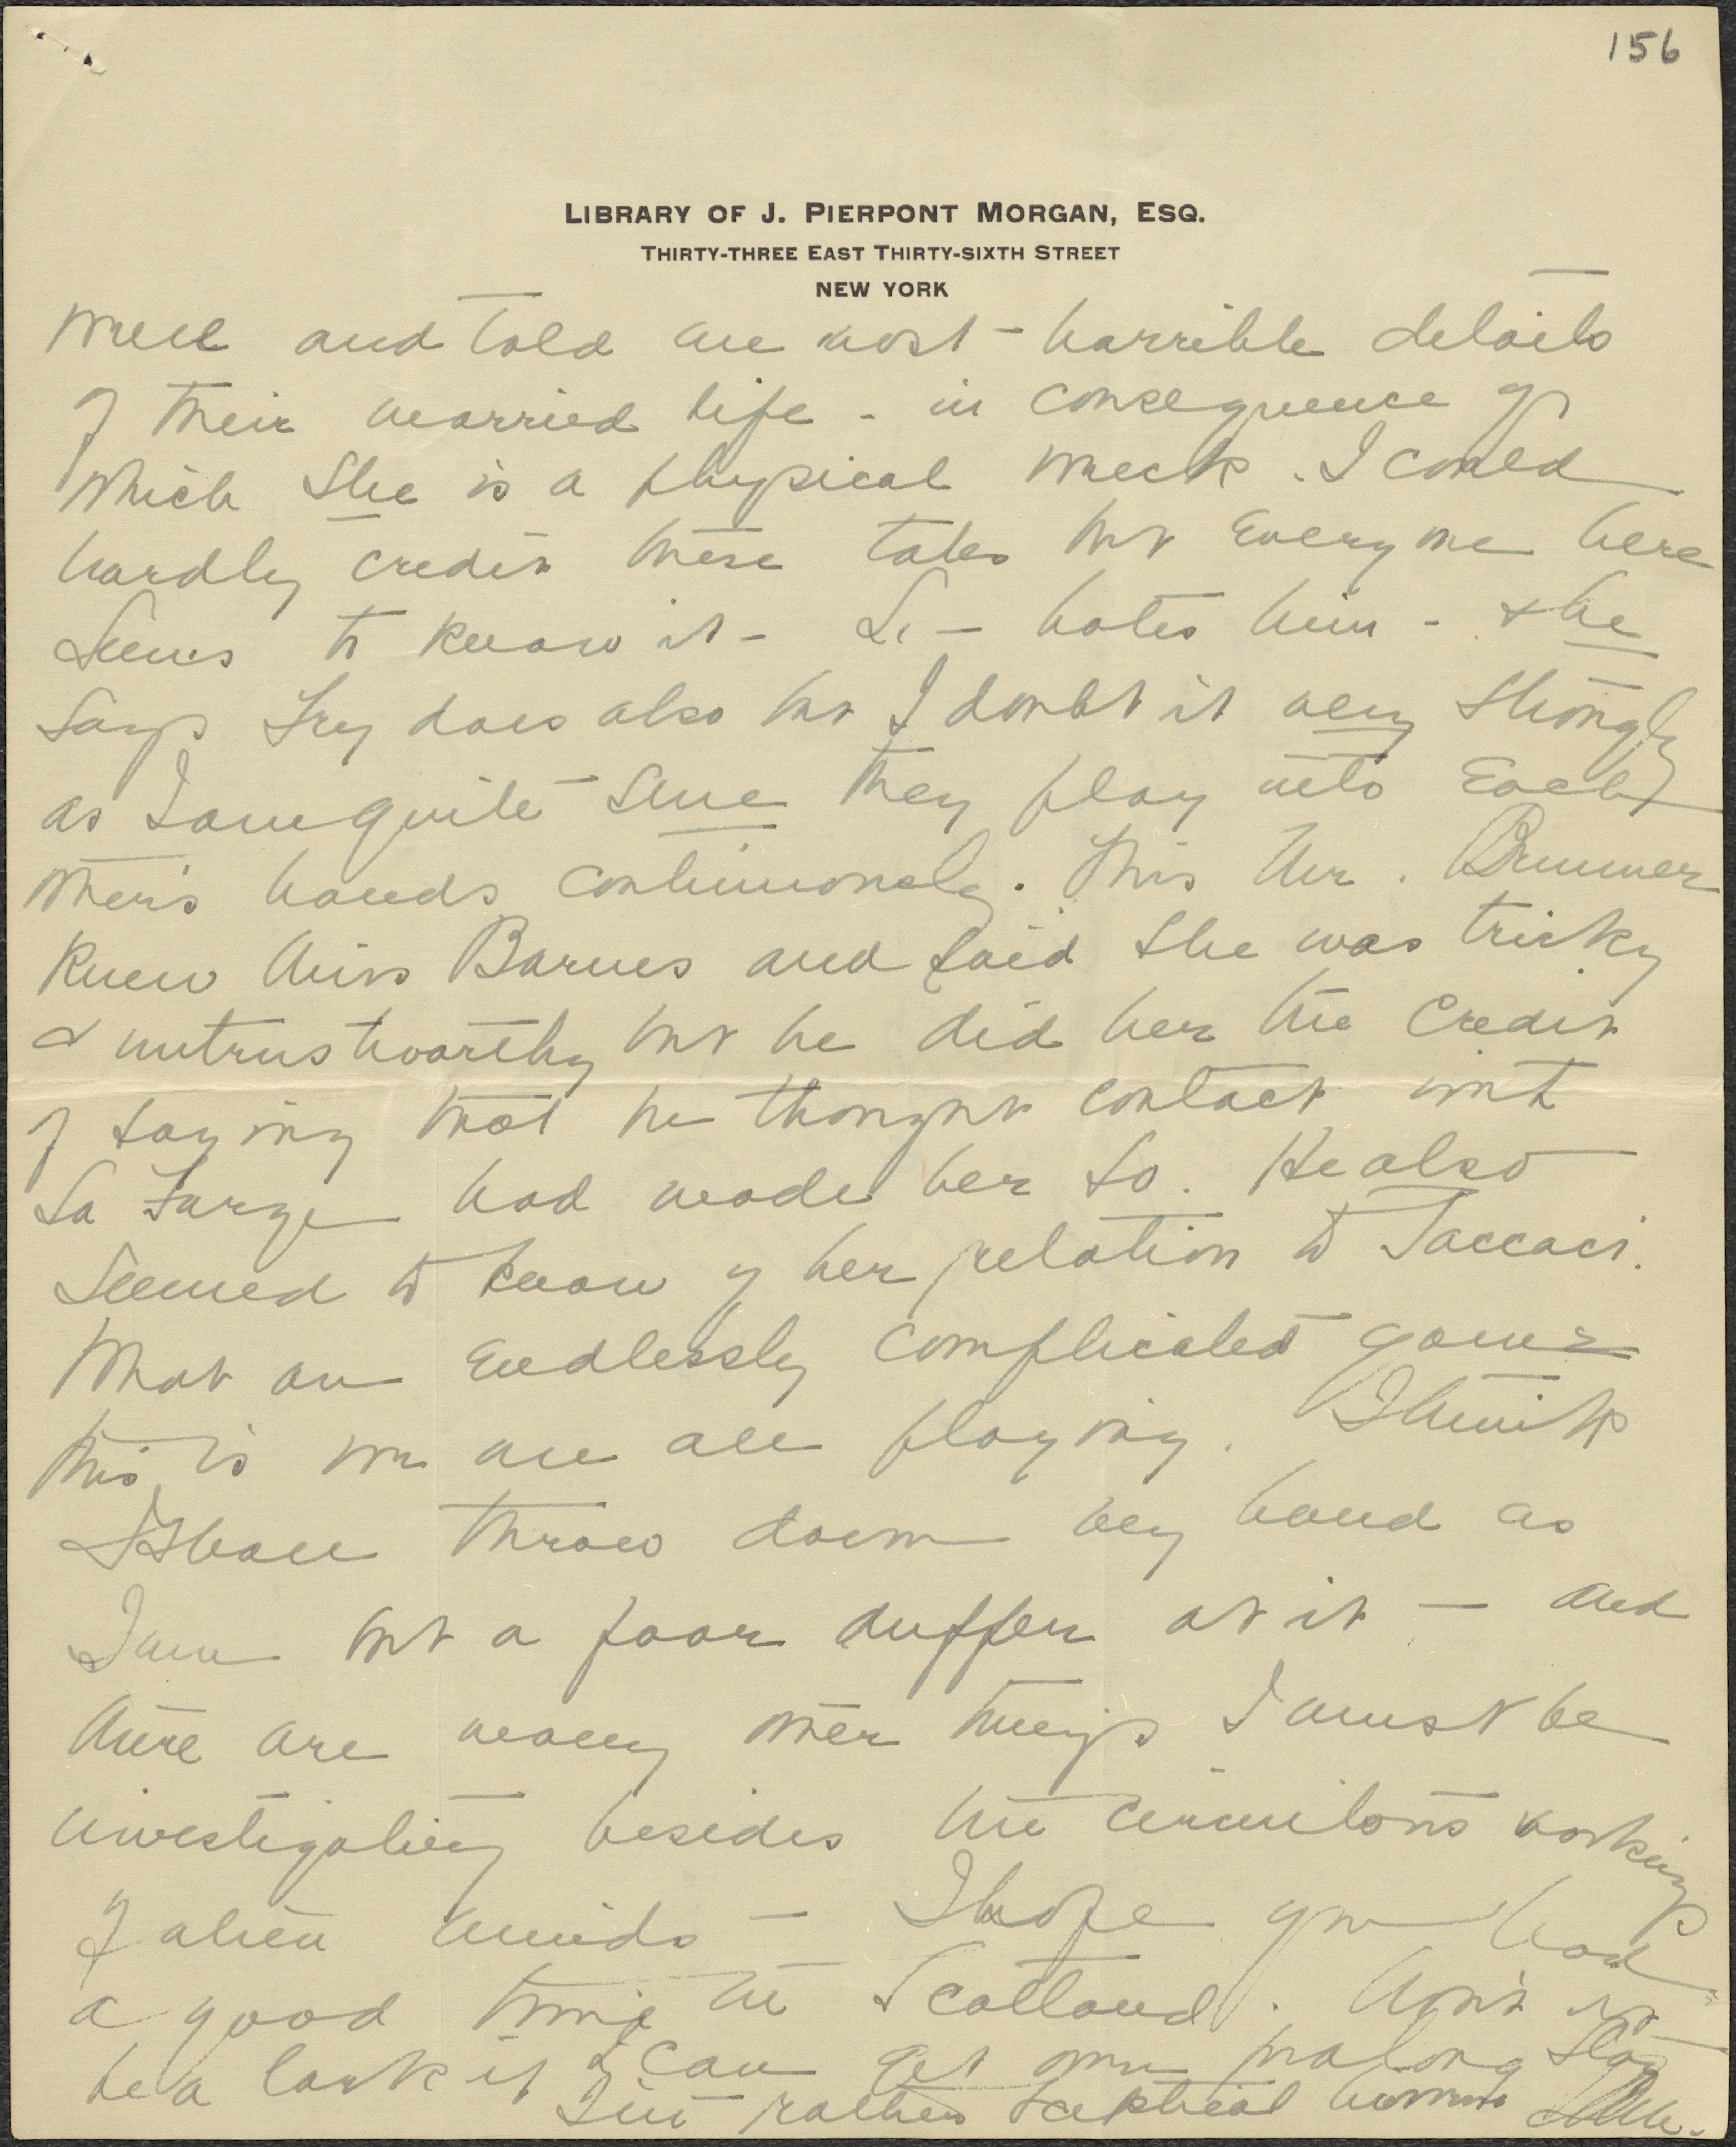well and told me most horrible details of their married life – in consequence of which she is a physical wreck. I could hardly credit these tales but every one here seems to know it – S. – hates him – & he says Fry does also but I doubt it very strongly as I am quite sure they play into each other’s hands continuously. This Mr. Brunner knew Miss Barnes and said she was tricky & untrustworthy but he did her the credit of saying that he thought contact with La Farge had made her so. He also seemed to know of her relation to Jaccaci. What an endlessly complicated game this is we are all playing. I think I shall throw down my hand as I am but a poor duffer at it – and there are many other things I must be investigating besides the circuitous workings of alien minds – I hope you had a good time in Scotland. Won’t it be a lark if I can get over for a long stay – I’m rather sceptical however. Belle –